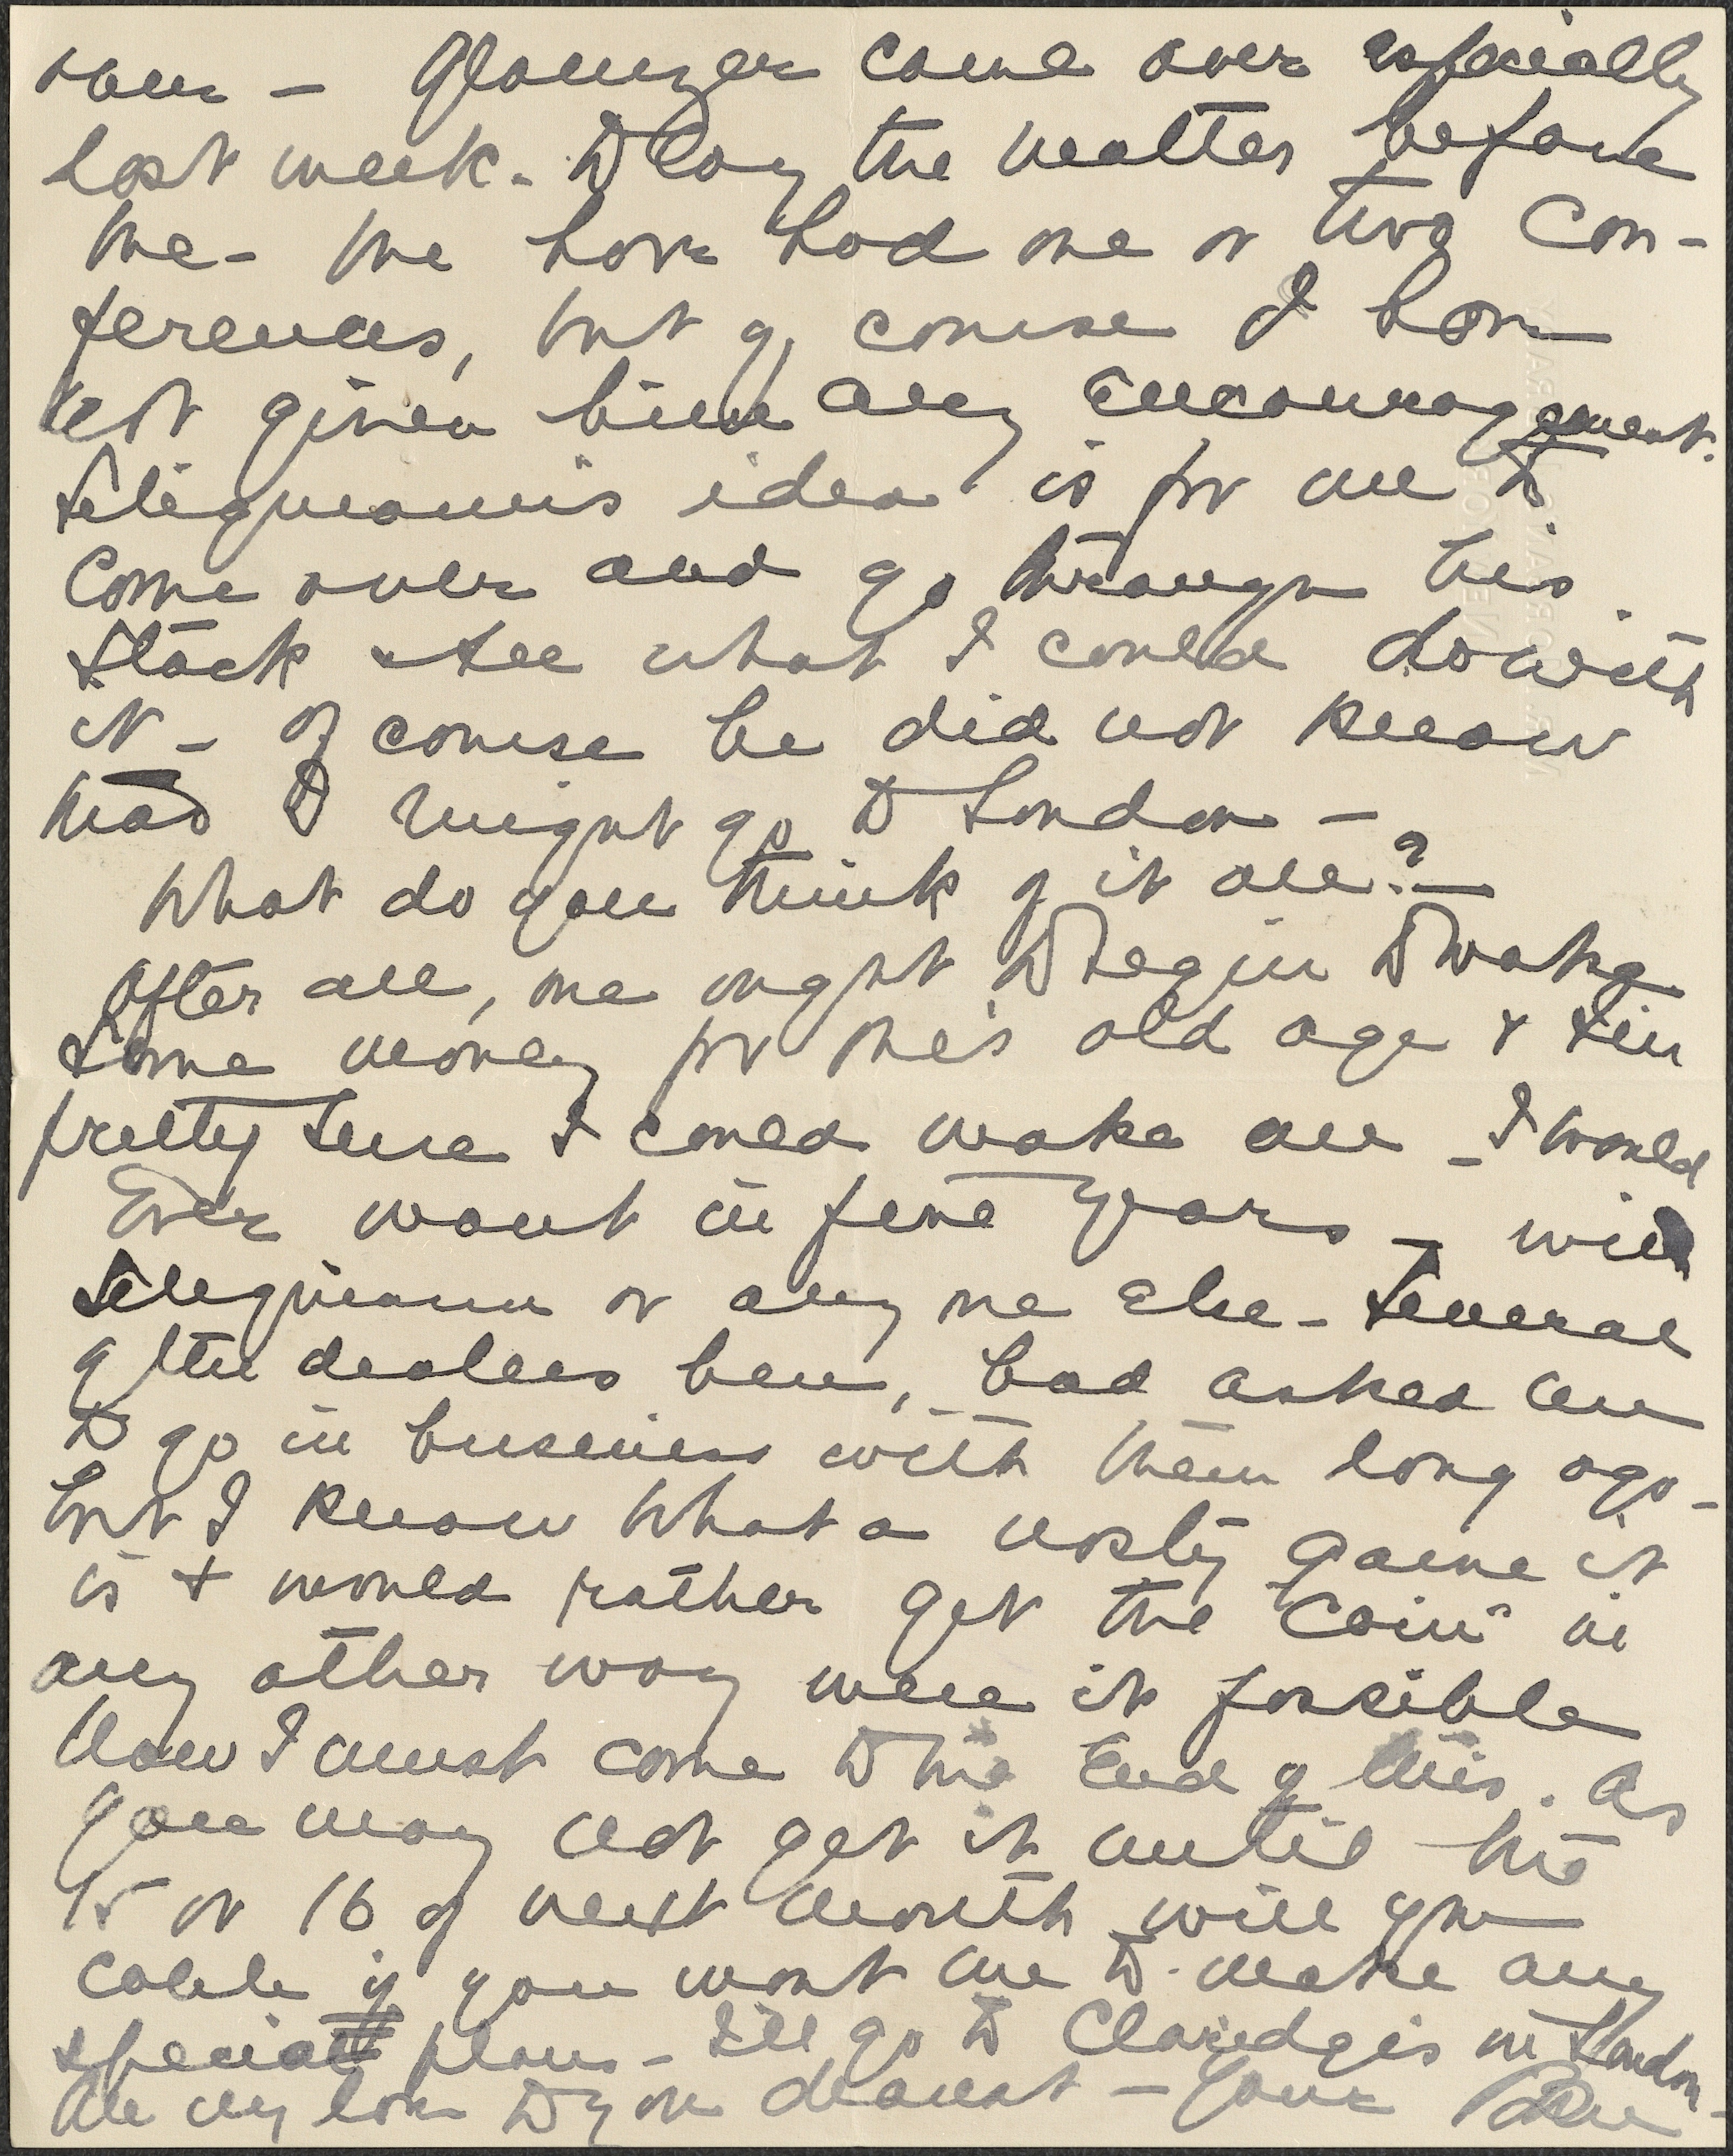over – Glaenzer came over especially last week – to lay the matter before me – we have had one or two conferences, but of course I have not given him any encouragement. Seligmann’s idea is for me to come over and go through his stock & see what I could do with it – of course he did not know that I might go to London –
What do you think of it all? –
After all, one ought to begin to make some money for one’s old age & I’m pretty sure I could make all I would ever want in five years – with Seligmann or any one else – several of the dealers here, had asked me to go in business with them long ago – but I know what a nasty game it is & would rather get the “coin” in any other way were it possible Now I must come to the end of this. As you may not get it until the 15 or 16 of next month will you cable [triple underlined: if] you want me to make any special plans – I’ll go to Claridge’s in London – All my love to you dearest – Your Belle